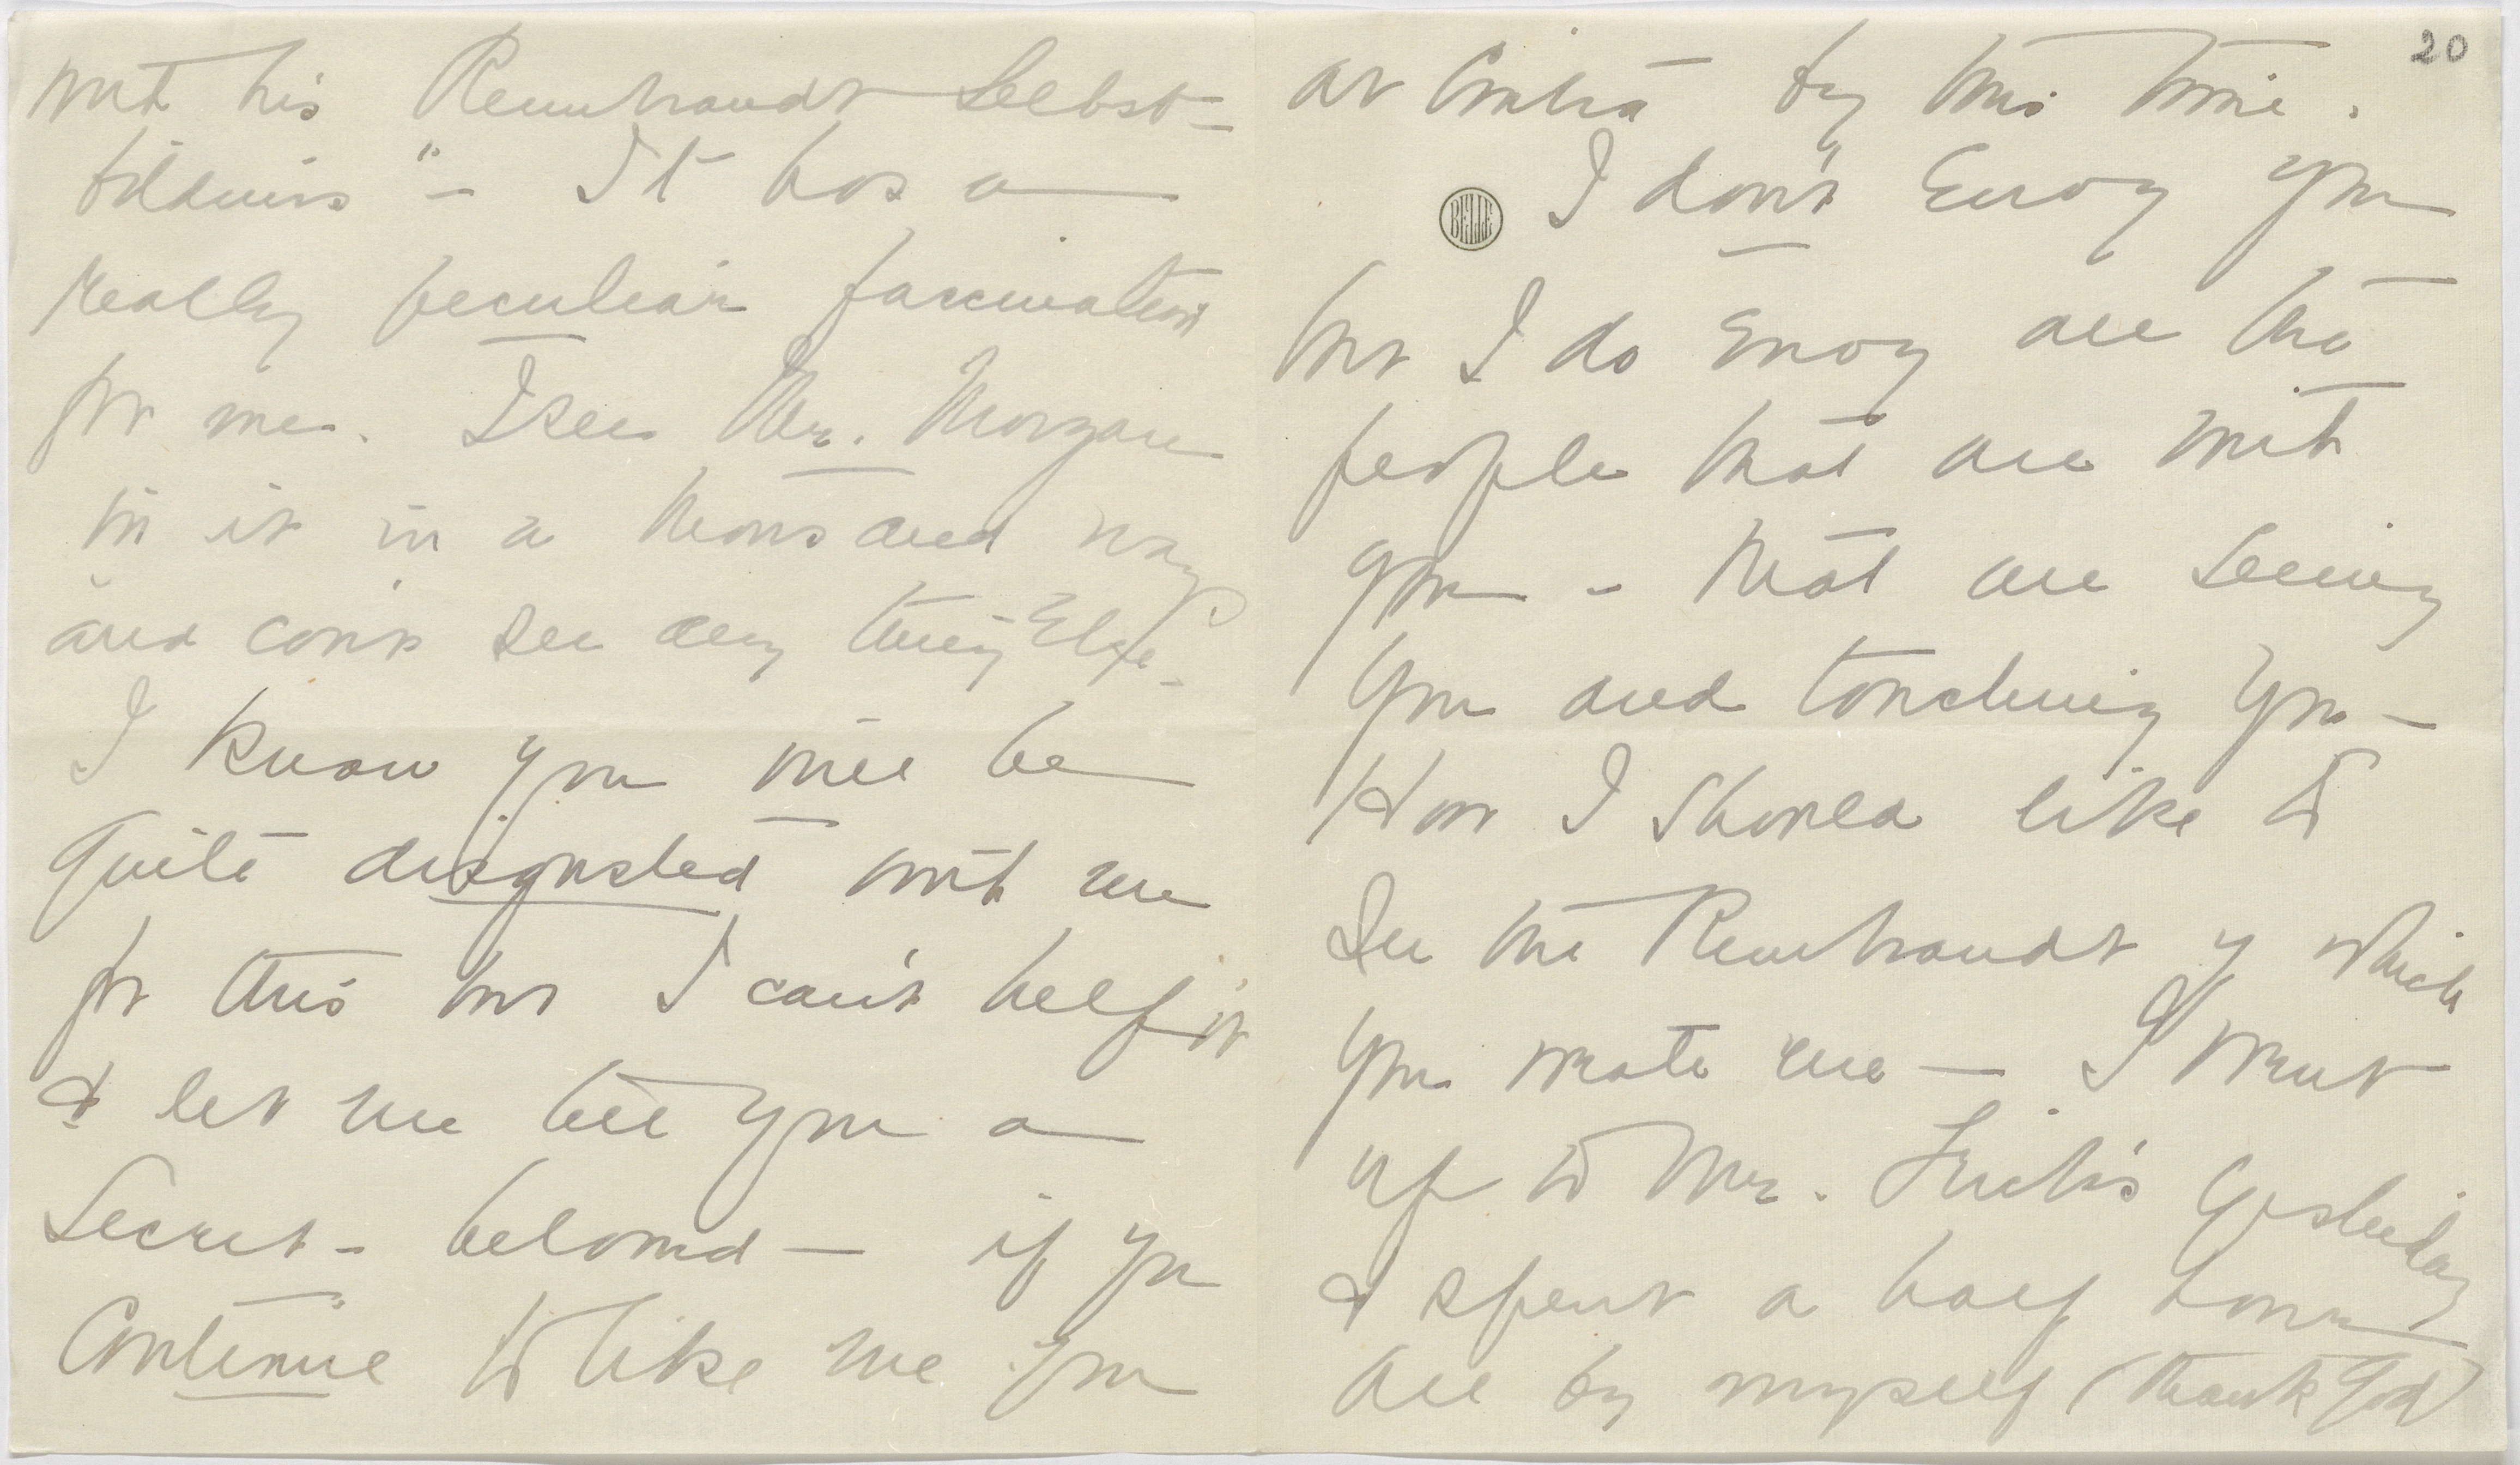at cintra by this time.
I don’t envy you but I do envy all the people that are with you – that are seeing you and touching you – How I should like to
In the Rembrandt of which you wrote me – I went up to Mr. Frick’s yesterday & spent a half hour all by myself (thank God)
with his Rembrandt Selbst-bildinis” – It has a really peculiar fascination for me. I see Mr. Morgan in it in a thousand ways and I can’t see any thing else – I know you will be quite disgusted with me for this but I can’t help it & let me tell you a secret – beloved – if you continue to like me you